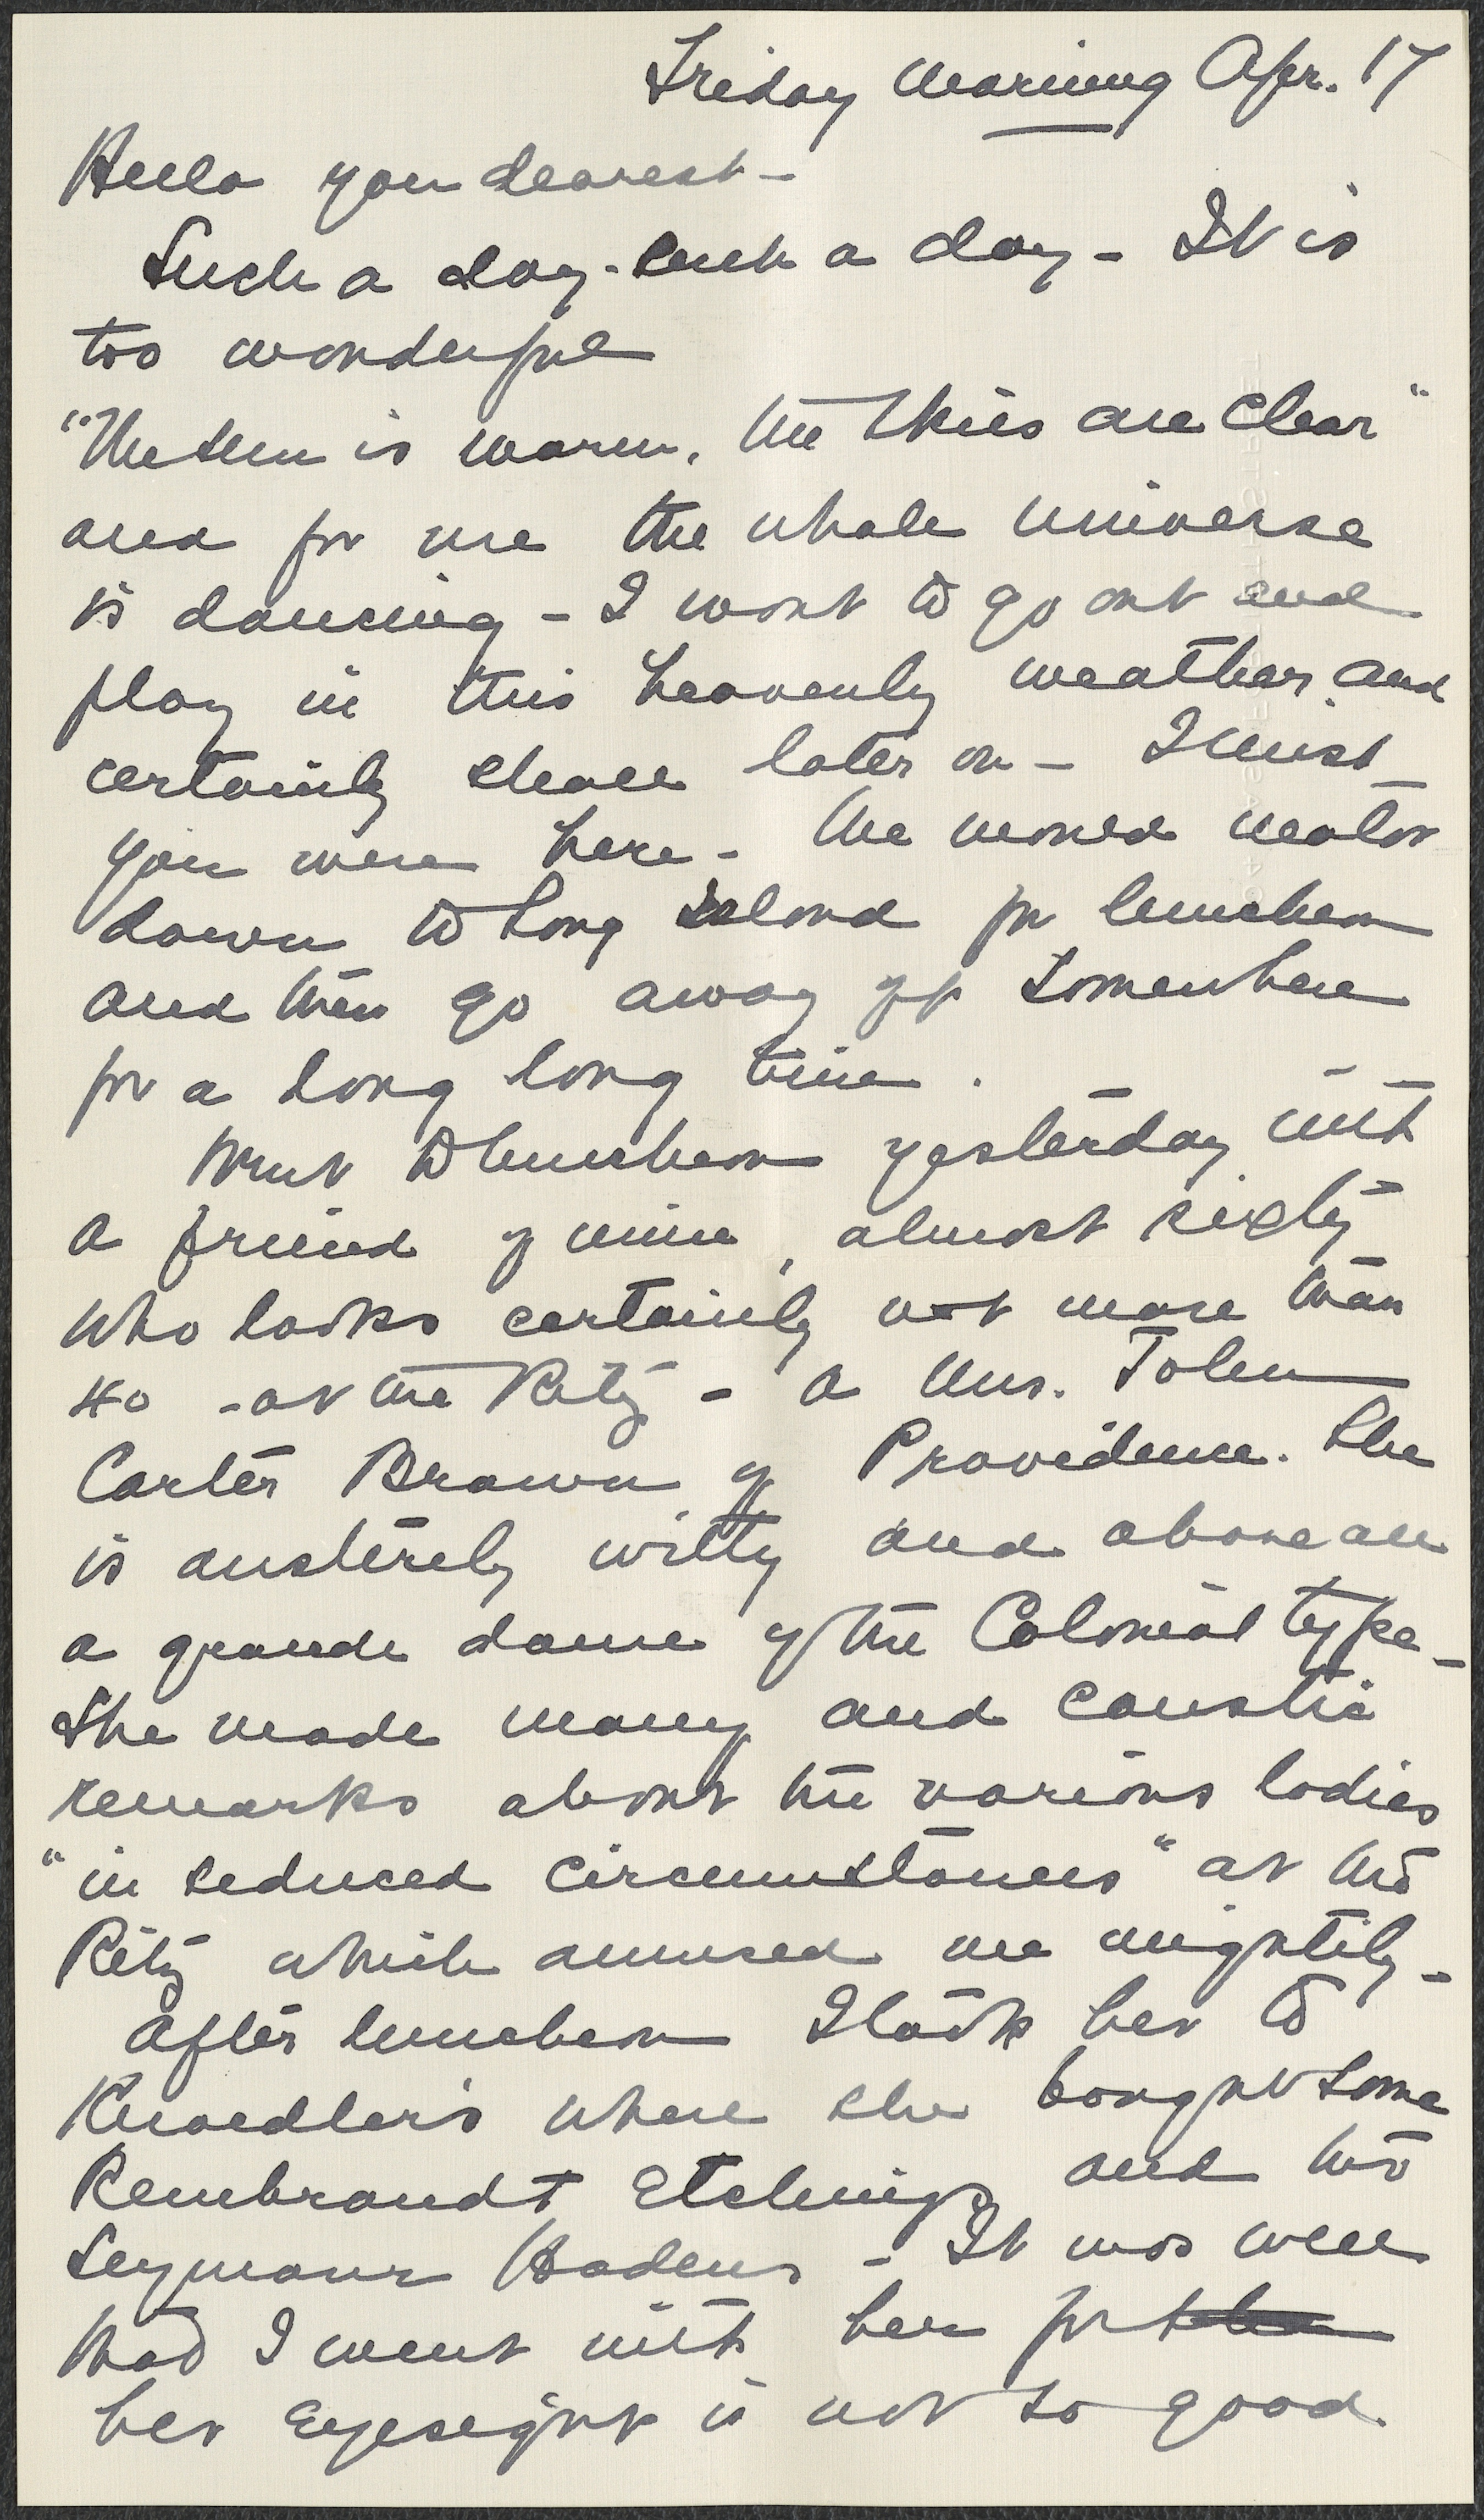Friday morning Apr. 17
Hello you dearest –
Such a day – such a day – It is too wonderful
“The sun is warm, the skies are clear” and for me the whole universe is dancing – I want to go out and play in this heavenly weather and certainly shall later on – I wish you were here – we would motor down to Long Island for luncheon and then go away off somewhere for a long long time.
Went to luncheon yesterday with a friend of mine, almost sixty who looks certainly not more than 40 – at the Ritz – a Mrs. John Carter Brown of Providence. She is austerely witty and above all a grande dame of the Colonial type – she made many and caustic remarks about the various ladies “in reduced circumstances” at the Ritz which amused me mightily
After luncheon I took her to Knoedler’s where she bought some Rembrandt etchings and two Seymour Hadens – It was well that I went with her for she her eyesight is not so good.